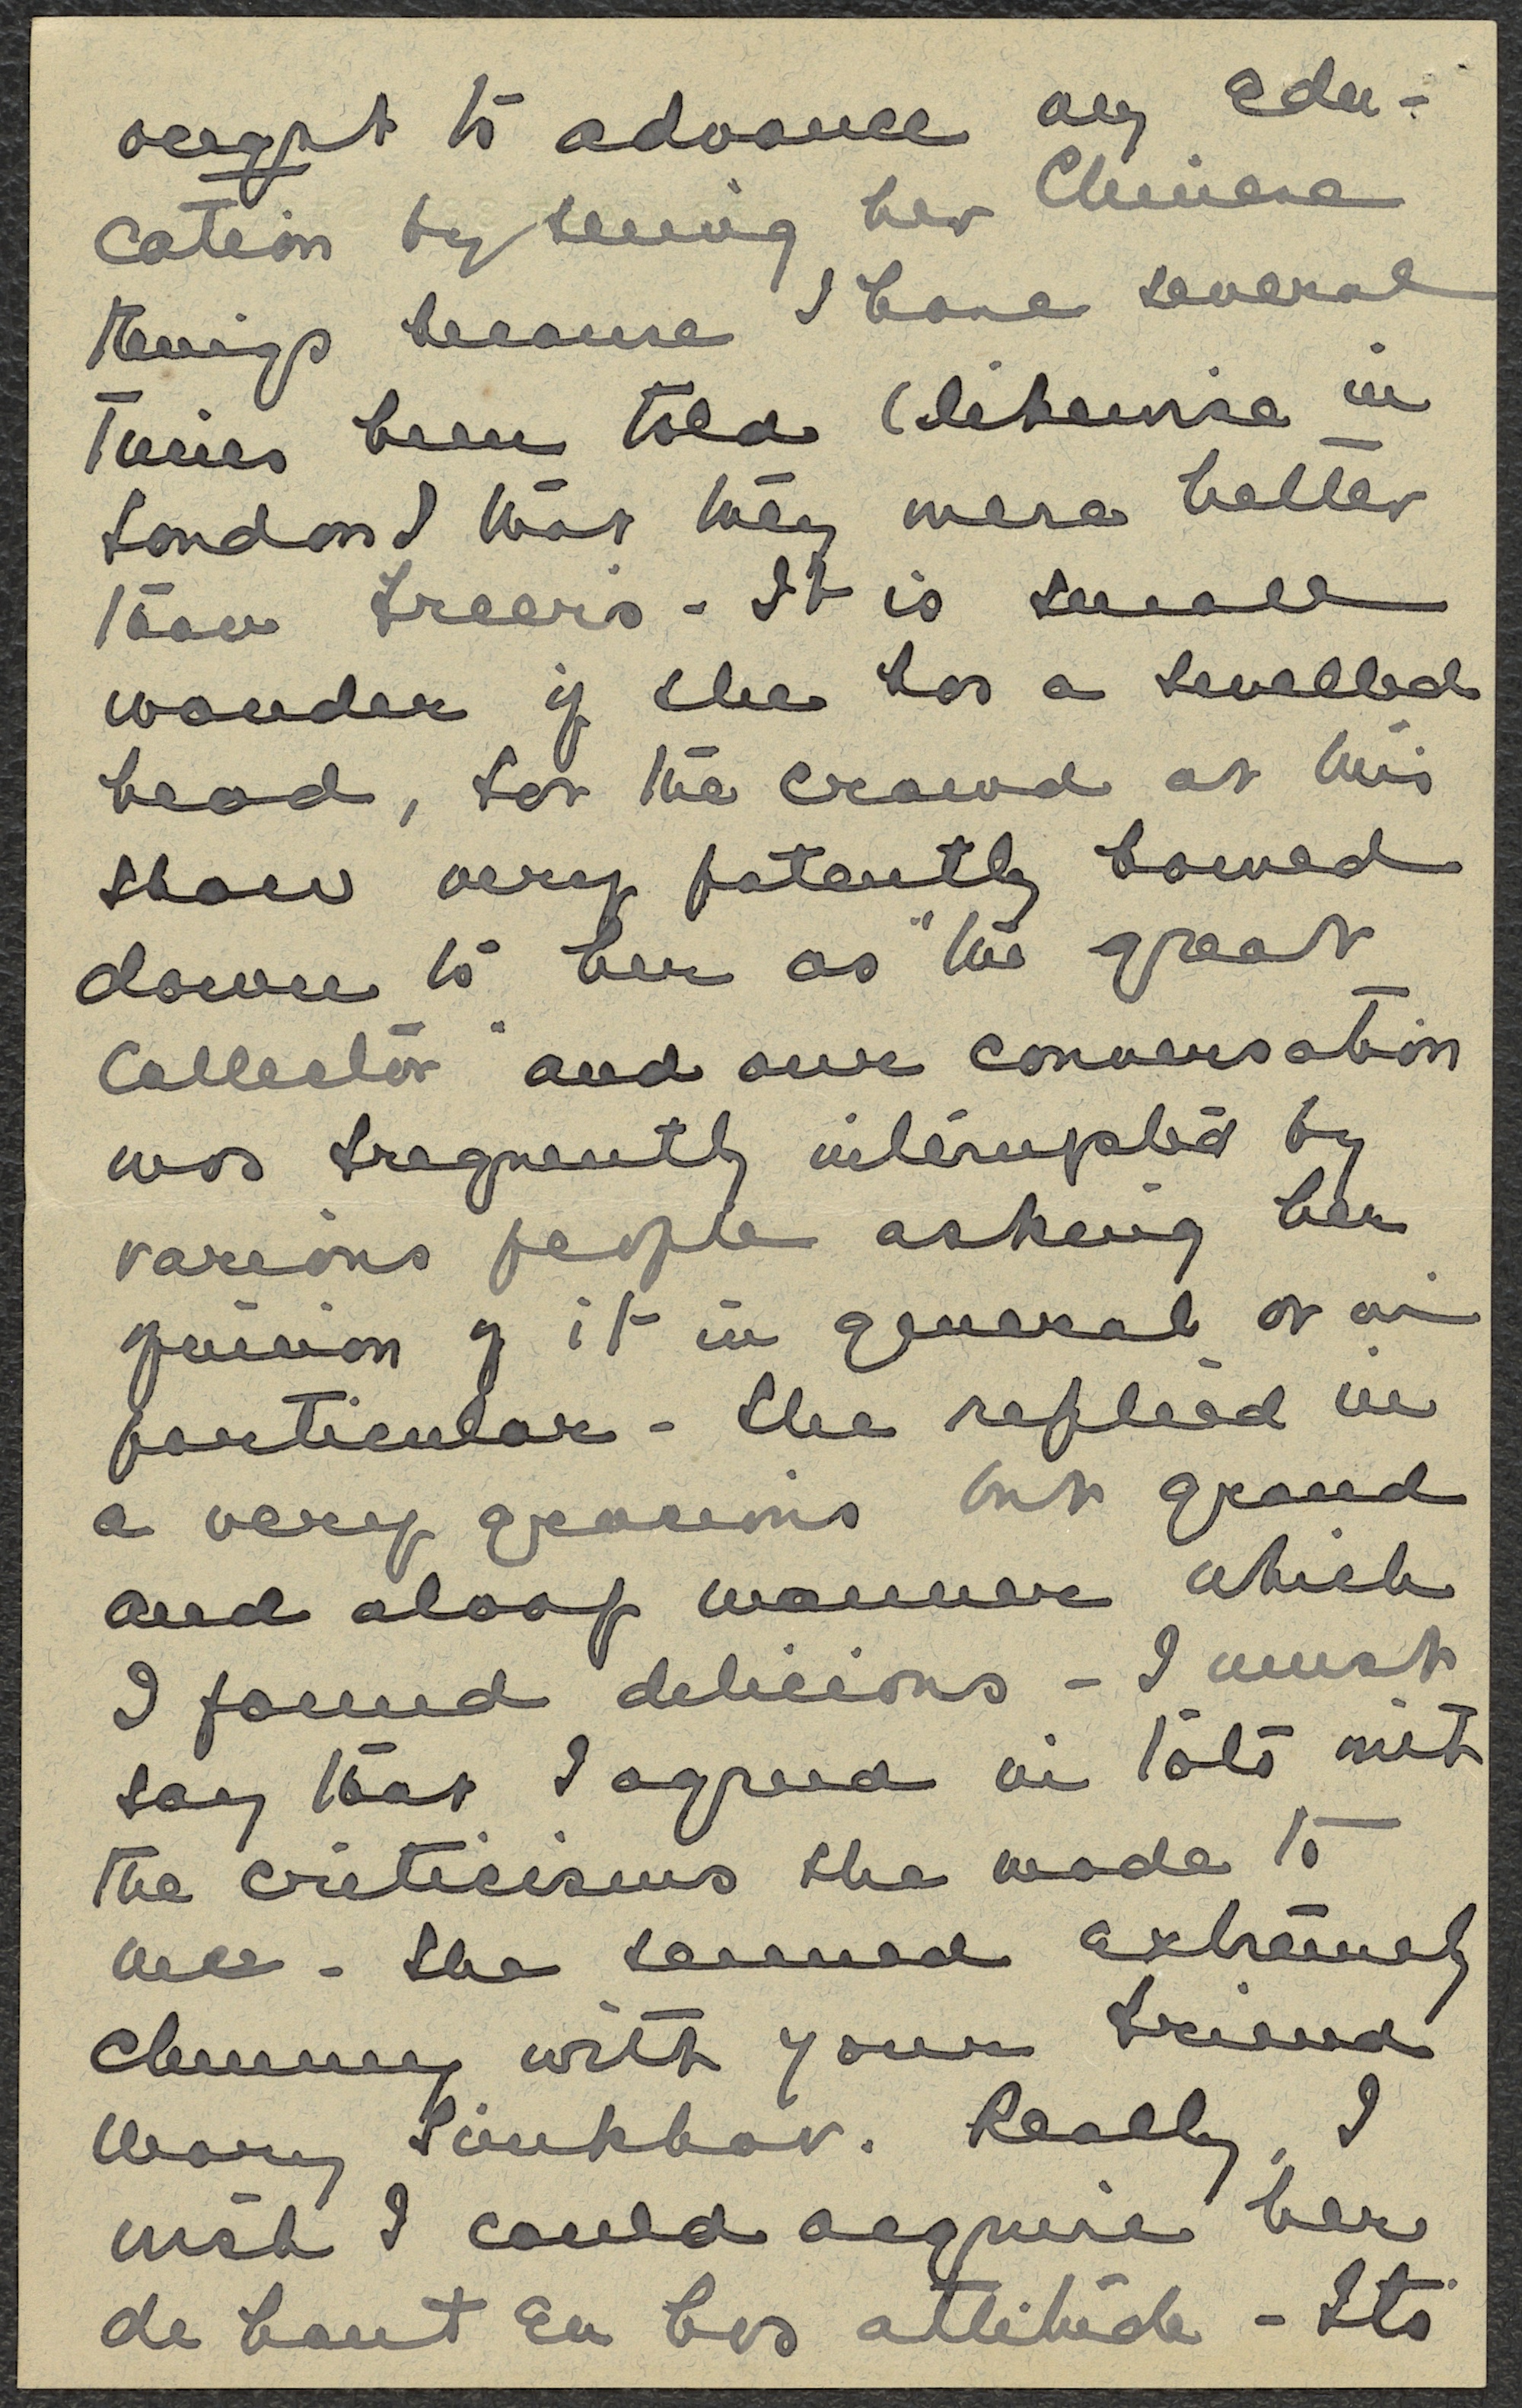ought to advance my education by seeing her Chinese things because I have several times been told (likewise in London) that they were better than Freer’s – It is small wonder if she has a swelled head, for the crowd at this show very patently bowed down to her as “the great collector” and our conversation with frequently interupted [sic] by various people asking her opinion of it in general or in particular – She replied in a very gracious but grand and aloof manner which I found delicious – I must say that I agreed in toto with the criticisms she made to me. She seemed extremely chummy with your friend Mary Simkhov. Really, I wish I could acquire her de haut en bas attitude – Its